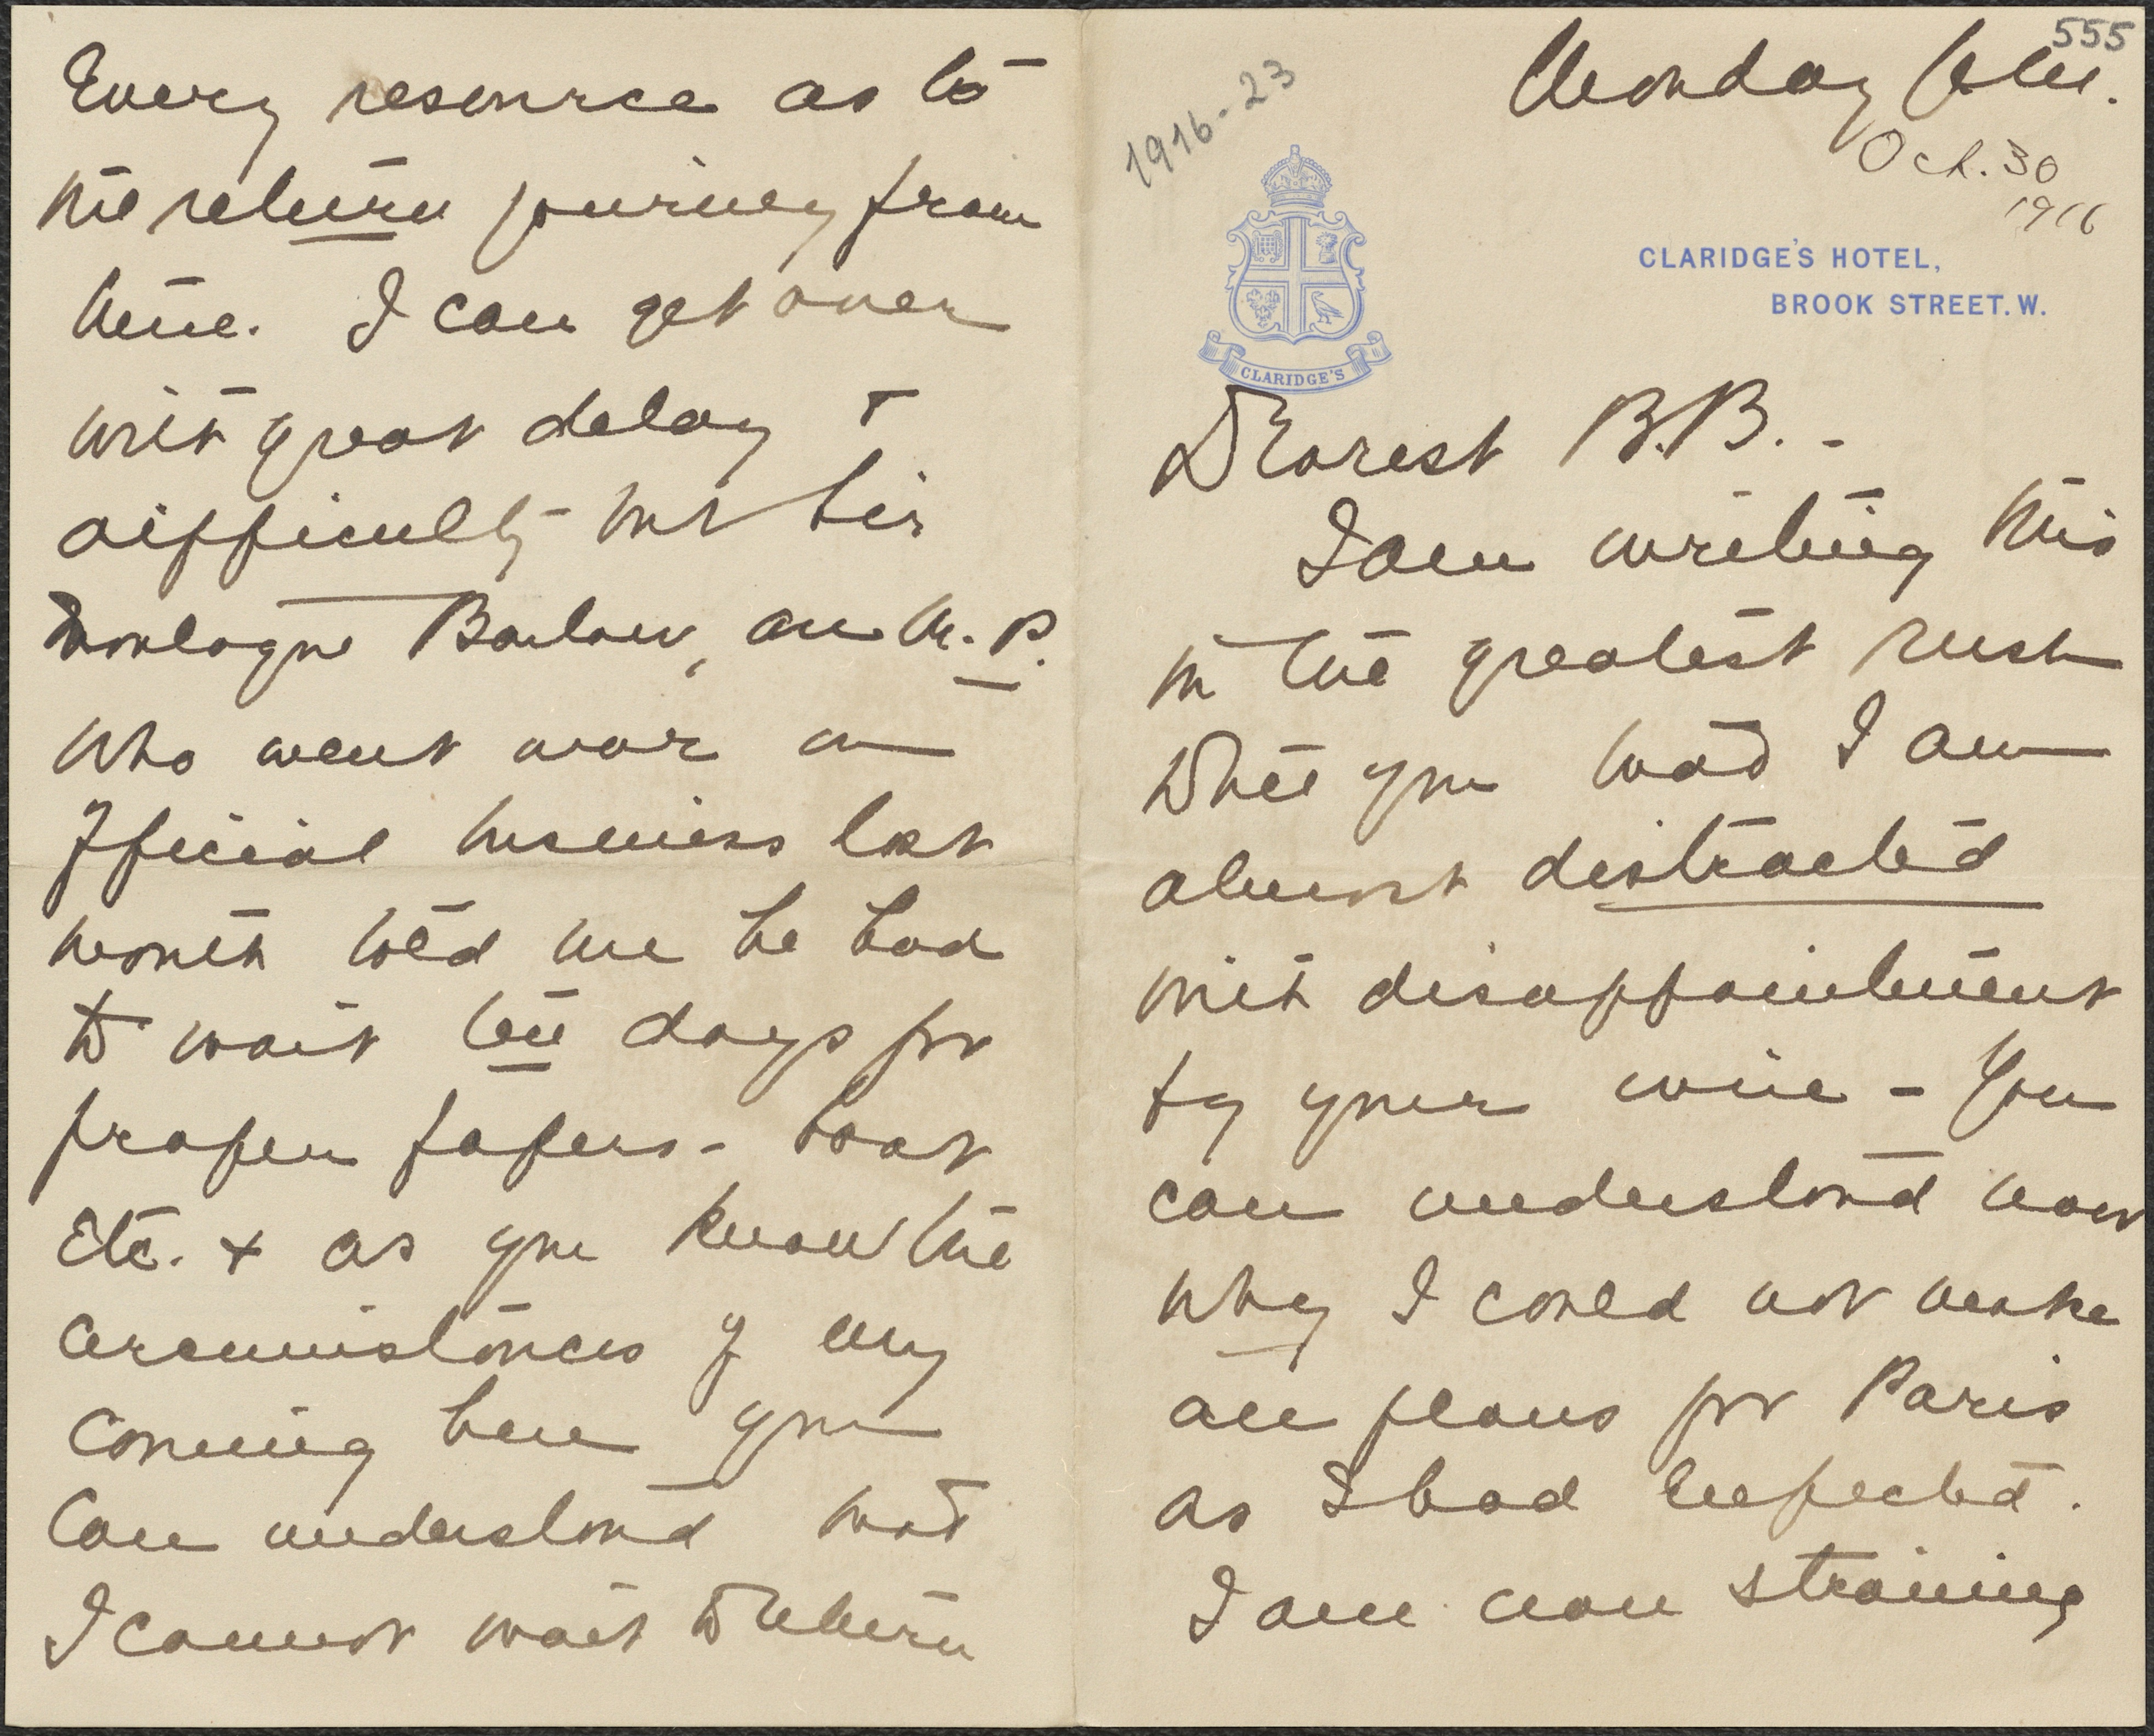Monday, p.m.
Dearest B. B. –
I am writing this in the greatest rush to tell you that I am almost distracted with disappointment by your wire – You can understand now why I could not make all plans for Paris as I had expected. I am now straining
every resource as to the return journey from there. I can get over with great delay & difficulty – but Sir Montague Barlow, an M.P. who went over on official business last month told me he had to wait ten days for proper papers – boat etc. & as you know the circumstances of my coming here you can understand that I cannot wait to return